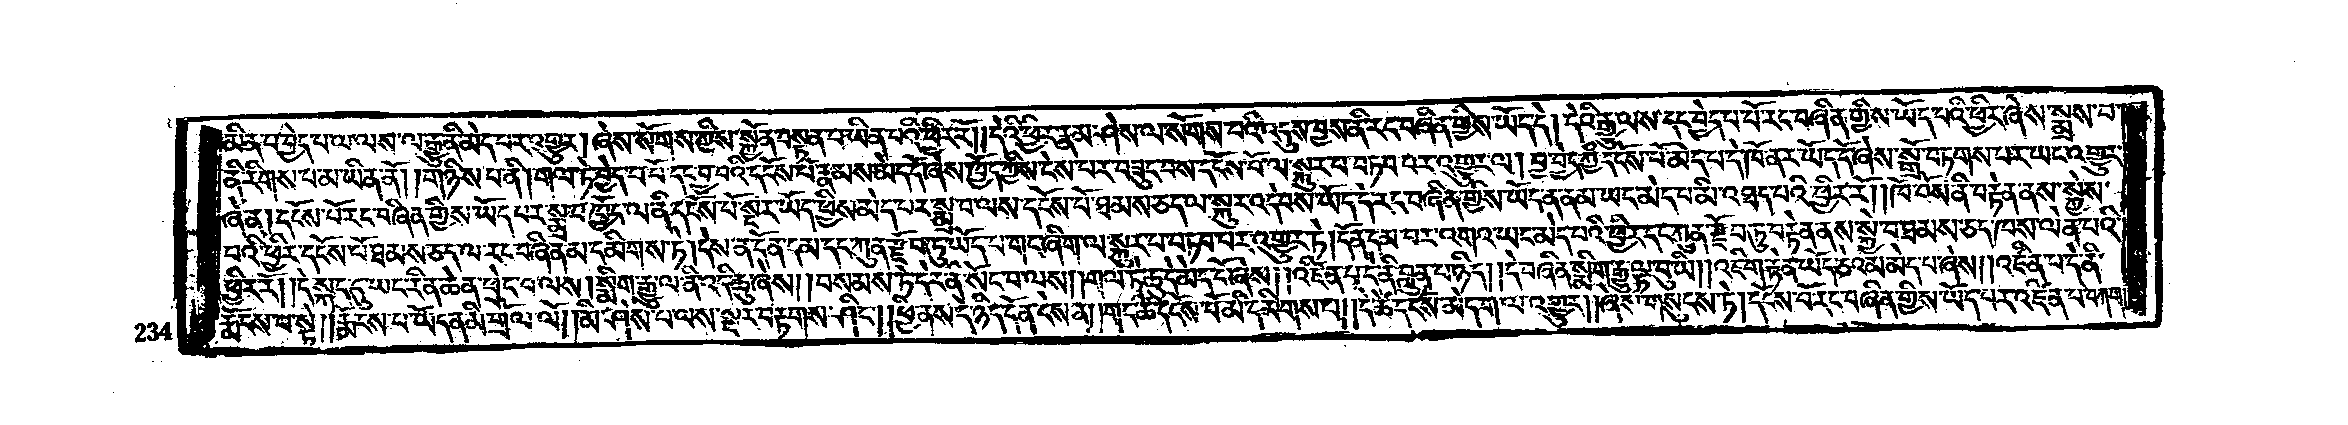མིན་པ་བྱེད་པ་ལ་ལས་ལ་རྒྱུ་ནི་མེད་པར་འགྱུར། ཞེས་སོགས་ཀྱིས་སྐྱོན་བསྟན་པ་ཡིན་པའི་ཕྱིར་རོ། །དེའི་ཕྱིར་རྣམ་ཤེས་ལ་སོགས་པའི་འདུས་བྱས་ནི་རང་བཞིན་གྱིས་ཡོད་དེ། དེའི་རྒྱུ་ལས་དང་བྱེད་པ་པོ་རང་བཞིན་གྱིས་ཡོད་པའི་ཕྱིར་ཞེས་སྨྲས་བ་
ནི་རིགས་པ་མ་ཡིན་ནོ། །གཉིས་པ་ནི། གལ་ཏེ་བྱེད་པ་པོ་དང་བྱ་བའི་དངོས་པོ་རྣམས་མེད་དོ་ཞེས་ཁྱོད་ཀྱིས་ངེས་པར་བཟུང་བས་དངོས་པ་ལ་སྐུར་པ་བཏབ་པར་འགྱུར་ལ། བྱ་བྱེད་ཀྱི་དངོས་པོ་མེད་པ་དེ་ཁོ་ནར་ཡོད་དོ་ཞེས་སྒྲོ་བཏགས་པར་ཡང་འགྱུར་
ཞེ་ན། དངོས་པོ་རང་བཞིན་གྱིས་ཡོད་པར་སྨྲ་བ་ཁྱོད་ལ་ནི་དངོས་པོ་སྔར་ཡོད་ཕྱིས་མེད་པར་སྨྲ་བ་ལས་དངོས་པོ་ཐམས་ཅད་ལ་སྐུར་འདེབས་ཡོད་དེ་རང་བཞིན་གྱིས་ཡོད་ན་ནམ་ཡང་མེད་པ་མི་འཐད་པའི་ཕྱིར་རོ། །ཁོ་བོས་ནི་བརྟེན་ནས་སྐྱེས་
པའི་ཕྱིར་དངོས་པོ་ཐམས་ཅད་ལ་རང་བཞིན་མ་དམིགས་ཏེ། དེས་ན་དོན་དམ་དང་ཀུན་རྫོབ་ཏུ་ཡོད་པ་གང་ཞིག་ལ་སྐུར་པ་བཏབ་པར་འགྱུར་ཏེ། དོན་དམ་པར་འགའ་ཡང་མེད་པའི་ཕྱིར་དང་ཀུན་རྫོབ་ཏུ་བརྟེན་ནས་སྐྱེ་བ་ཐམས་ཅད་ཁས་ལེན་པའི་
ཕྱིར་རོ། །དེ་སྐད་དུ་ཡང་རིན་ཆེན་ཕྲེང་བ་ལས། སྨིག་རྒྱུ་ལ་ནི་འདི་ཆུ་ཞེས། །བསམས་ཏེ་དེར་ནི་སོང་བ་ལས། །གལ་ཏེ་ཆུ་དེ་མེད་དོ་ཞེས། །འཛིན་པ་དེ་ནི་བླུན་པ་ཉིད། །དེ་བཞིན་སྨིག་རྒྱུ་ལྟ་བུ་ཡི། །འཇིག་རྟེན་ཡོད་ཅེའམ་མེད་པ་ཞེས། །འཛིན་པ་དེ་ནི་
རྨོངས་པ་སྟེ། །རྨོངས་པ་ཡོད་ན་མི་གྲོལ་ལོ། །མི་ཤེས་པ་ལས་སྔར་བརྟགས་ཤིང་། །ཕྱི་ནས་དེ་ཉིད་དོན་ངེས་ན། །གང་ཚེ་དངོས་པོ་མི་དམིགས་པ། །དེ་ཚེ་དངོས་མེད་ག་ལ་འགྱུར། །ཞེས་གསུངས་ཏེ། དངོས་པོ་རང་བཞིན་གྱིས་ཡོད་པར་འཛིན་པ་བཀག་